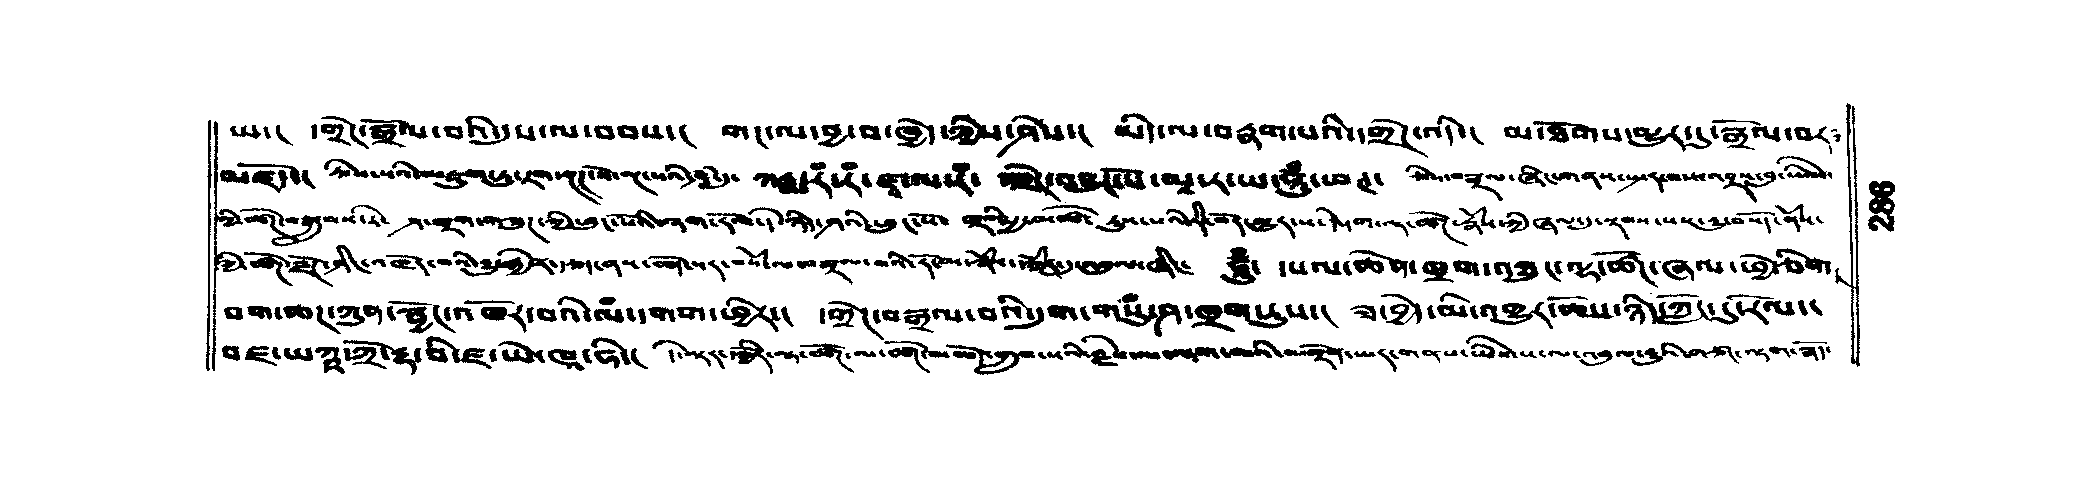ཡ། །གང་ལ་བྱ་བ་ཁྱེད་ཀྱིས་ཤེས། །ཡིད་ལ་བརྣག་པའི་དགྲ་བགེགས་འདི། །མ་ཐུགས་མྱུར་དུ་སྒྲོལ་བར་
མཛོད། ། ཅེས་པའི་མཇུག་ཏུ་དྲག་སྔགས་སོ་ལྔ་པའི་གཤམ་དུ། ཀརྨ་རཾ་རཾ་ཛྭ་ལ་རཾ།དགྲ་བགེགས་འབྱུང་པོ་མཱ་ར་ཡ་ཧཱུྃ་ཕཊ། ཅེས་བསྒྲལ་ཞིང་གནས་སྤར་བས་འབྲས་བུ་ཡེ་ཤེས་
ཀྱི་ཚོགས་བསྒྲུབས་ཏེ། ཤ་ཁྲག་གཟུགས་ཀྱི་ཕུང་པོའི་ལྷག་རོལ་དེ་ཉིད་ཤའི་ཕུང་པོ། ཁྲག་གི་རྒྱ་མཚོ། རུས་པའི་རི་བོར་གྱུར་པ་དེ་དག་ལྷ་ཚོགས་རྣམས་ཀྱི་ཞལ་དུ་སྟབས་པས་རྒྱུ་བསོད་ནམས་
ཀྱི་ཚོགས་རྫོགས་ཤིང་འཁོར་བའི་རྒྱུ་རྐྱེན་རྩད་ནས་ཆོད་པར་བསམ་ལ་བསྒྲལ་བའི་རོ་མ་རྣམས་དཀྱིལ་འཁོར་དུ་འབུལ་ཞིང་། དཔལ་ཆེན་ཁྲག་འཐུང་ལྷ་ཚོགས་ཞལ་ཕྱེ་ཅིག་
བག་ཆགས་ཀུན་སྦྱོང་འཁོར་བའི་ལམ་དགག་ཕྱིར། །དགྲ་བགེགས་བསྒྲལ་བའི་དུག་གསུམ་ཤ་ཁྲག་རུས། །ཟ་བྱེད་མིའགྱུར་ཆོས་ཉིད་ཀློང་དུ་རོལ། །
བརྫ་ཡཀྴ་ཀྲོ་དྷ་བི་ཛ་ཡེ་ཁཱ་ཧི། དེ་ལྟར་དཀྱིལ་འཁོར་ལྷ་ཚོགས་ལ་ཚོགས་མཆོད་གྲུབ་པའི་རྗེས་ལ་ལྷག་མའི་མགྲོན་ཡར་གནས་ཡེ་ཤེས་ས་ལ་འབུལ་རྒྱུའི་གཙང་ལྷག་སྣོད་